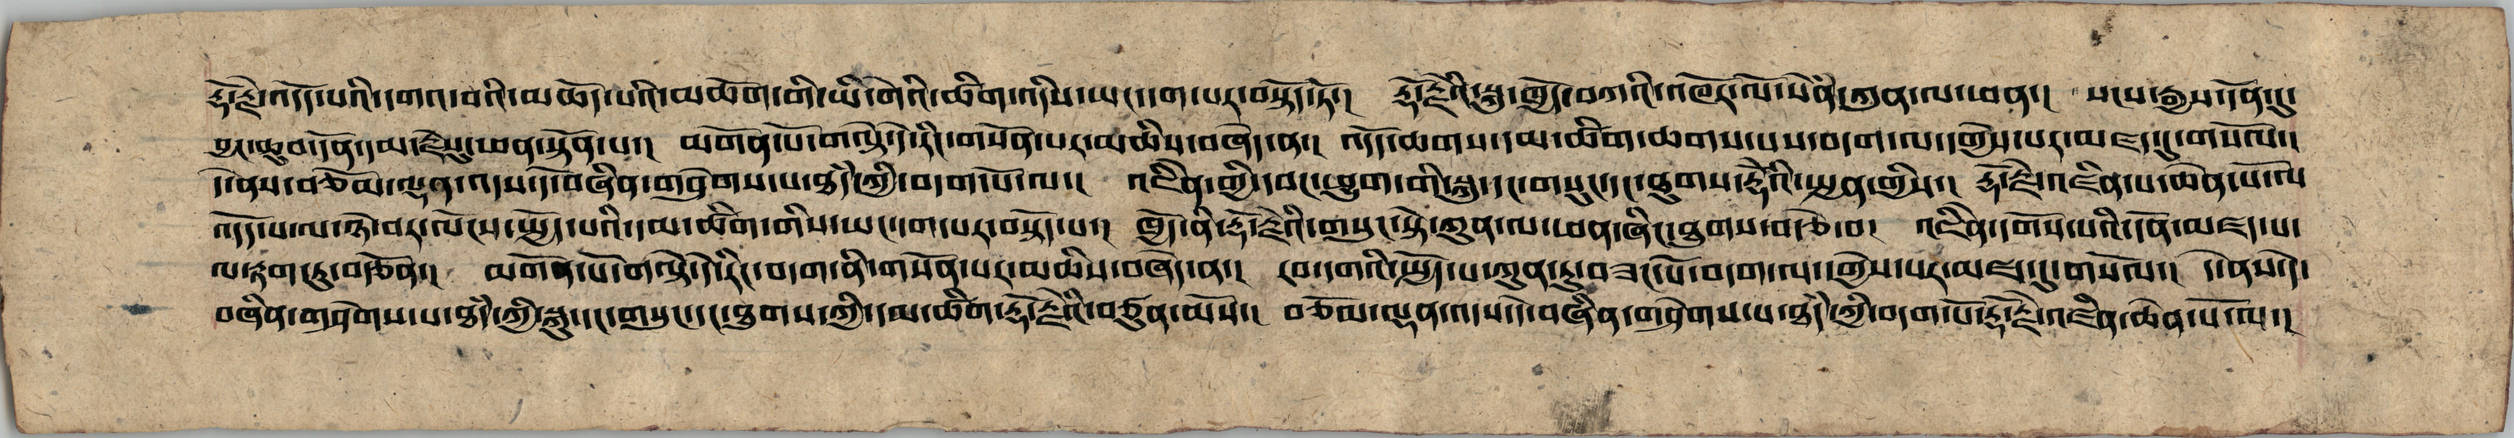རྡོ་རྗེ་འདོད་པའི་དགའ་བའི་མཆོད་པའི་མཆོག་གི་ཡི་གེའི་ཚིག་འདིས་ཡང་དག་པར་བསྟོད་ཏོ་། རྡོ་རྗེའི་སྐུ་ཁྱོད་བཀའི་འཁོར་ལོ་སེཾན་ཀུན་ལ་ཕན་། སངས་རྒྱས་དོན་དུ་
བྱང་ཆུབ་དོན་དམ་རྗེསུ་ཕན་སྟོན་པ་། མགོན་པོ་གལྟེ་དེ་རིང་གསོན་པར་མཆིས་བཞེད་ན་། འདོད་ཆགས་དམ་ཚིག་ཆགས་པས་བདག་ལ་དགྱེས་པར་མཛད་དུ་གསོལ་།
དེ་ནས་བཅོམ་ལྡན་འདས་དེ་བཞིན་གཤེགས་པ་ཐཾད་ཀྱི་བདག་པོ་ལ་། འཇིནེ་གྱི་དབང་ཕྱུག་གི་སྐུ་དང་གསུང་དང་ཐུགས་རྡོེའི་སྤྱན་གྱིས་། རྡོ་རྗེ་འཛིན་པ་ཆེན་པོ་ལ
འདོད་པ་ལ་ཉེ་བར་ལོངས་སྤྱོད་པའི་དམ་ཚིག་གིས་ཡང་དག་པར་བསྟོད་པ་། ཁྱོད་ནི་རྡོ་རྗེའི་གསུང་སྟེ་ཀུན་ལ་ཕན་ཞིང་ཐུགས་བརྩེ་བ། འཇིནེ་དགོས་པའི་དོན་མཛད་པ་
ལ་རྟག་ཏུ་བརྩོན་། མགོན་པོ་གལྟེ་དེ་རིང་བདག་ནི་གསོན་པར་མཆིས་བཞེད་ན་། རབ་དགའི་སྤྱོད་པ་ཀུན་ཏུ་བཟང་པོ་བདག་ལ་དགྱེས་པར་མཛད་དུ་གསོལ་། དེ་ནས་དེ་
བཞིན་གཤེགས་པ་ཐཾད་ཀྱི་སྐུ་དང་གསུང་དང་ཐུགས་ཀྱི་དམ་ཚིག་རྡོ་རྗེའི་བཙུན་མོས་། བཅོམ་ལྡན་འདས་དེ་བཞིན་གཤེགས་པ་ཐཾད་ཀྱི་བདག་པོ་རྡོ་རྗེ་འཛིན་ཆེན་པོ་ལ་།